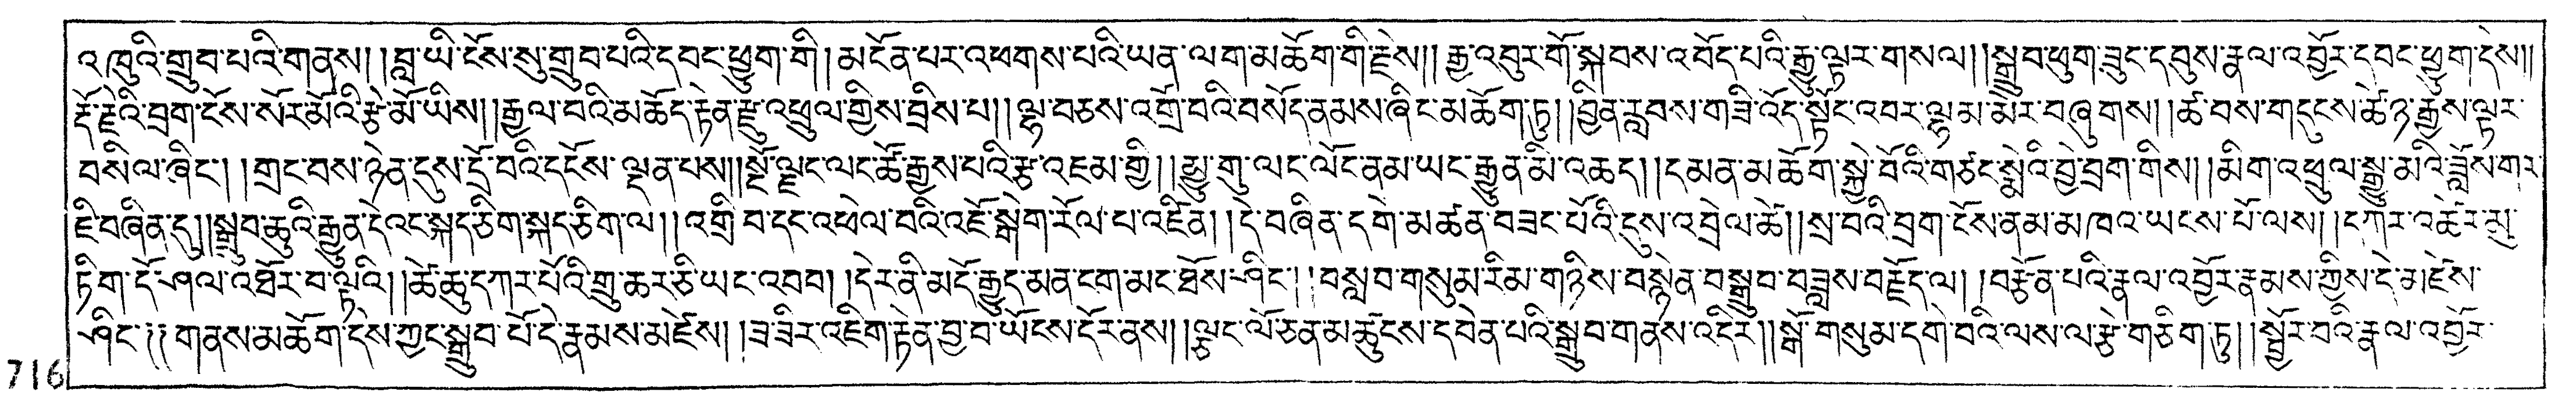འཁུའི་གྲུབ་པའི་གནས། །བླ་ཡི་ངོས་སུ་གྲུབ་པའི་དབང་ཕྱུག་གི །མངོན་པར་འཕགས་པའི་ཡན་ལག་མཆོག་གི་རྗེས། །རྒྱ་འབུར་གོ་སྐབས་འབོད་པའི་རྒྱུ་ལྟར་གསལ། །སྒྲུབ་ཕུག་ཟུང་དབུས་རྣལ་འབྱོར་དབང་ཕྱུག་དེས། །
རྡོ་རྗེའི་བྲག་ངོས་སོར་མོའི་རྩེ་མོ་ཡིས། །རྒྱལ་བའི་མཆོད་རྟེན་རྫུ་འཕྲུལ་གྱིས་བྲིས་པ། །ལྷ་བཅས་འགྲོ་བའི་བསོད་ནམས་ཞིང་མཆོག་ཏུ། །བྱིན་རླབས་གཟི་འོད་སྟོང་འབར་ལྷམ་མེར་བཞུགས། །ཚ་བས་གདུངས་ཚེ་ཉ་རྒྱས་ལྟར་
བསིལ་ཞིང་། །གྲང་བས་ཉེན་དུས་དྲོ་བའི་དངོས་ལྡན་པས། །སྔོ་ལྗང་ལང་ཚོ་རྒྱས་པའི་རྩ་འཇམ་གྱི། །མྱུ་གུ་ལང་ལོང་ནམ་ཡང་རྒྱུན་མི་འཆད། །དམན་མཆོག་སྐྱེ་བོའི་གཙང་སྨེའི་བྱེ་བྲག་གིས། །མིག་འཕྲུལ་སྒྱུ་མའི་ཟློས་གར་
ཇི་བཞིན་དུ། །སྒྲུབ་ཆུའི་རྒྱུན་དེའང་སྐད་ཅིག་སྐད་ཅིག་ལ། །འགྲིབ་དང་འཕེལ་བའི་འཇོ་སྒེག་རོལ་པ་འཛིན། །དེ་བཞིན་དགེ་མཚན་བཟང་པོའི་དུས་འབྲེལ་ཚེ། །སྲ་བའི་བྲག་ངོས་ནམ་མཁའ་ཡངས་པོ་ལས། །དཀར་འཚེར་མུ་
ཏིག་དོ་ཤལ་འཐོར་བ་ལྟའི། །ཚེ་ཆུ་དཀར་པོའི་གྲུ་ཆར་ཅི་ཡང་འབབ། །དེར་ནི་མདོ་རྒྱུད་མན་ངག་མང་ཐོས་ཤིང་། །བསླབ་གསུམ་རིམ་གཉིས་བསྙེན་བསྒྲུབ་བཟླས་བརྗོད་ལ། །བརྩོན་པའི་རྣལ་འབྱོར་རྣམས་ཀྱིས་དེ་མཛེས་
ཤིང༑ ༑གནས་མཆོག་དེས་ཀྱང་སྒྲུབ་པོ་དེ་རྣམས་མཛེས། །ཟ་ཟི་འཇིག་རྟེན་བྱ་བ་ཡོངས་དོར་ནས། །ལྕང་ལོ་ཅན་མཚུངས་དབེན་པའི་སྒྲུབ་གནས་འདིར། །སྒོ་གསུམ་དགེ་བའི་ལས་ལ་རྩེ་གཅིག་ཏུ། །སྦྱོར་བའི་རྣལ་འབྱོར་